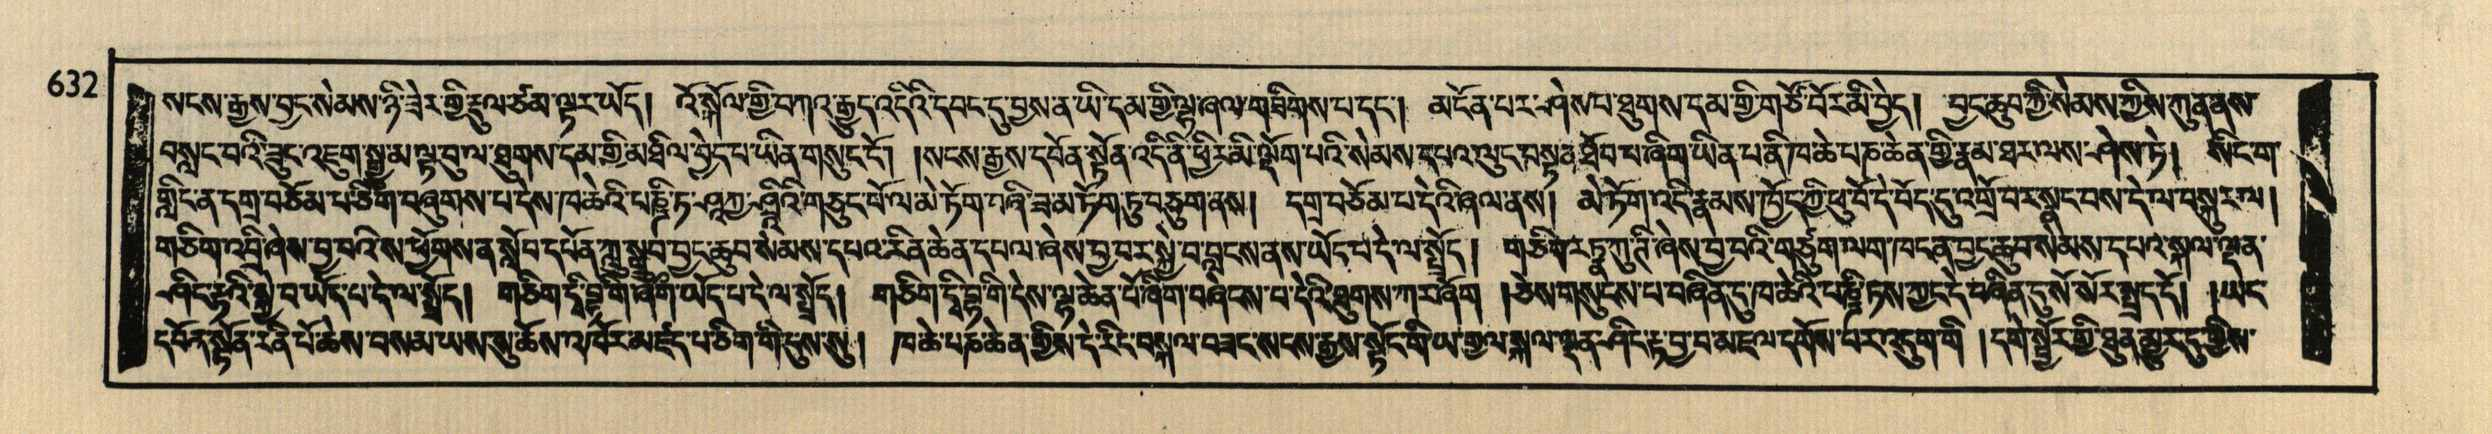སངས་རྒྱས་བྱང་སེམས་ཉི་ཟེར་གྱི་རྡུལ་ཙམ་ལྟར་ཡོད། འོ་སྒོལ་གྱི་བཀའ་རྒྱུད་འདིའི་དབང་དུ་བྱས་ནས་ཡི་དམ་གྱི་ལྷ་ཞལ་གཟིགས་པ་དང་། མངོན་པར་ཤེས་པ་ཐུགས་དམ་གྱི་གཙོ་བོར་མི་བྱེད། བྱང་ཆུབ་ཀྱི་སེམས་ཀྱིས་ཀུན་ནས་
བསླང་བའི་ཟུང་འཇུག་སྒྱུ་མ་ལྟ་བུ་ལ་ཐུགས་དམ་གྱི་མཐིལ་བྱེད་པ་ཡིན་གསུང་ངོ། །སངས་རྒྱས་དབོན་སྟོན་འདི་ནི་ཕྱིར་མི་ལྡོག་པའི་སེམས་དཔའ་ལུང་བསྟན་ཐོབ་པ་ཞིག་ཡིན་པ་ནི་ཁ་ཆེ་པཎ་ཆེན་གྱི་རྣམ་ཐར་ལས་ཤེས་ཏེ། སིང་ག་
གླིང་ན་དགྲ་བཅོམ་པ་ཅིག་བཞུགས་པ་དེས་ཁ་ཆེའི་པཎྜི་ཏ་ཤཱཀྱ་ཤྲཱིའི་གཅུང་པོ་ལ་མེ་ཏོག་བཞི་ཟ་མ་ཏོག་ཏུ་བཅུག་ནས། དགྲ་བཅོམ་པ་དེའི་ཞལ་ནས། མེ་ཏོག་འདི་རྣམས་ཁྱོད་ཀྱི་ཕུ་བོ་དེ་བོད་དུ་འགྲོ་བར་སྣང་བས་དེ་ལ་བསྐུར་ལ།
གཅིག་འབྲི་ཞེས་བྱ་བའི་ས་ཕྱོགས་ན་སློབ་དཔོན་ཀླུ་སྒྲུབ་བྱང་ཆུབ་སེམས་དཔའ་རིན་ཆེན་དཔལ་ཞེས་བྱ་བར་སྐྱེ་བ་བླངས་ནས་ཡོད་བདེ་ལ་སྤྲོད། གཅིག་རཏྣ་ཀུ་ཊི་ཞེས་བྱ་བའི་གཙུག་ལག་ཁང་ན་བྱང་ཆུབ་སེམས་དཔའ་སྐལ་ལྡན་
ཤིང་རྟའི་སྐྱེ་བ་ཡོད་པ་དེ་ལ་སྤྲོད། གཅིག་དྭི་བྷ་གི་ཞྀག་ཡོད་པ་དེ་ལ་སྤྲོད། གཅིག་དྭི་བྷ་གི་དེས་ལྷ་ཆེན་པོ་ཞིག་བཞེངས་པ་དེའི་ཐུགས་ཀར་ཞོག །ཅེས་གསུངས་པ་བཞིན་དུ་ཁ་ཆེའི་པཎྜི་ཏས་ཀྱང་དེ་བཞིན་དུ་སོ་སོར་སྤྲད་དོ། །ཡང་
དབོན་སྟོན་རིན་པོ་ཆེས་བསམ་ཡས་སུ་ཆོས་འཁོར་མཛད་པ་ཅིག་གི་དུས་སུ། ཁ་ཆེ་པཎ་ཆེན་གྱིས་དེ་རིང་བསྐལ་བཟང་སངས་རྒྱས་སྟོང་གི་ཡ་གྱལ་སྐལ་ལྡན་ཤིང་རྟ་བྱ་བ་མཇལ་དགོས་བར་འདུག་གི །དགེ་སྦྱོར་གྱི་ཐུན་མྱུར་དུ་གྱིས་